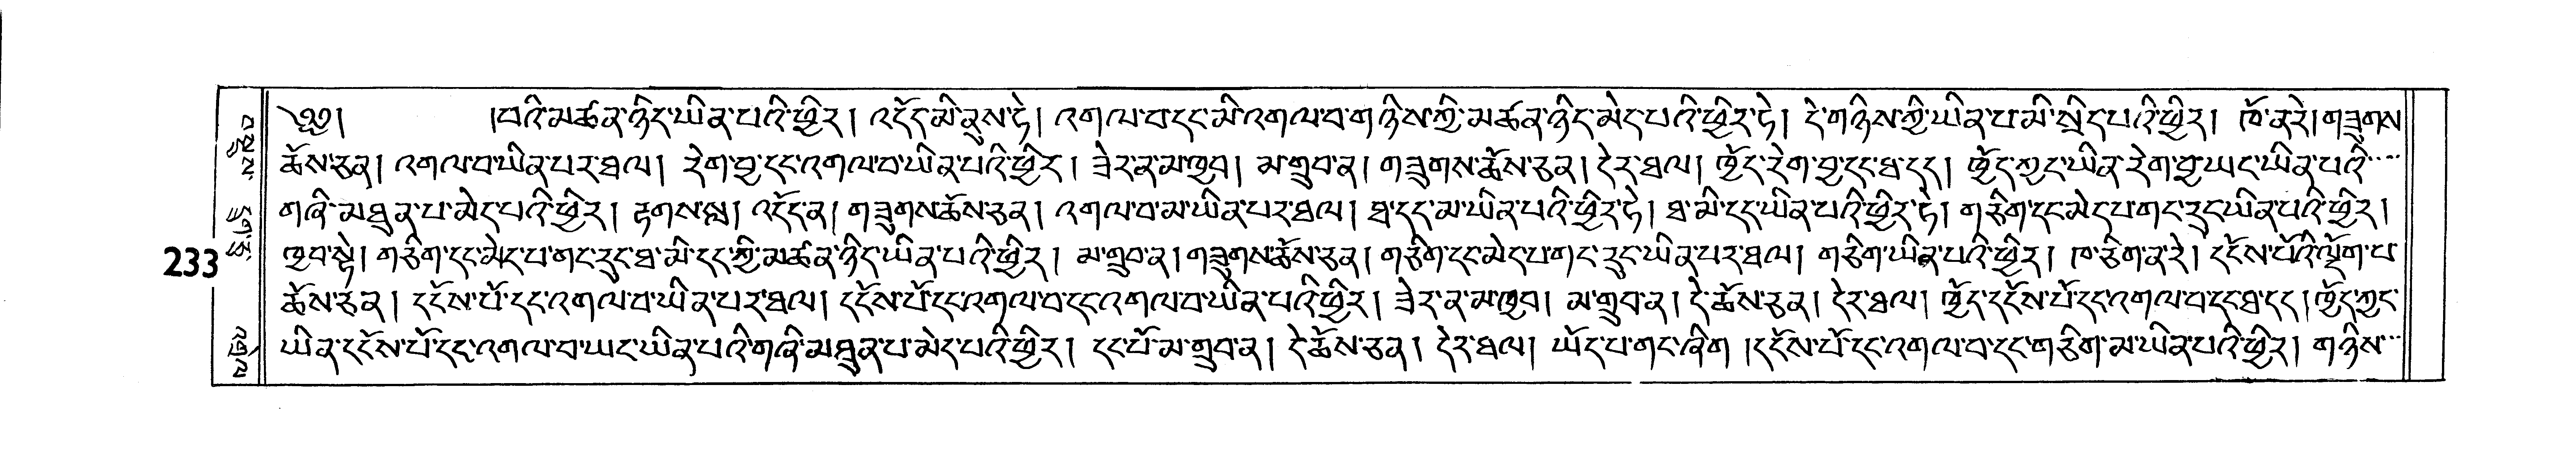༄༅། །བའི་མཚན་ཉིད་ཡིན་པའི་ཕྱིར། འདོད་མི་ནུས་ཏེ། འགལ་བ་དང་མི་འགལ་བ་གཉིས་ཀྱི་མཚན་ཉིད་མེད་པའི་ཕྱིར་ཏེ། དེ་གཉིས་ཀྱི་ཡིན་པ་མི་སྲིད་པའི་ཕྱིར། ཁོ་ན་རེ། གཟུགས་
ཆོས་ཅན། འགལ་བ་ཡིན་པར་ཐལ། རེག་བྱ་དང་འགལ་བ་ཡིན་པའི་ཕྱིར། ཟེར་ན་མ་ཁྱབ། མ་གྲུབ་ན། གཟུགས་ཆོས་ཅན། དེར་ཐལ། ཁྱོད་རེག་བྱ་དང་ཐ་དད། ཁྱོད་ཀྱང་ཡིན་རེག་བྱ་ཡང་ཡིན་པའི་
གཞི་མཐུན་པ་མེད་པའི་ཕྱིར། རྟགས་སླ། འདོད་ན། གཟུགས་ཆོས་ཅན། འགལ་བ་མ་ཡིན་པར་ཐལ། ཐ་དད་མ་ཡིན་པའི་ཕྱིར་ཏེ། ཐ་མི་དད་ཡིན་པའི་ཕྱིར་ཏེ། གཅིག་དང་མེད་པ་གང་རུང་ཡིན་པའི་ཕྱིར།
ཁྱབ་སྟེ། གཅིག་དང་མེད་པ་གང་རུང་ཐ་མི་དད་ཀྱི་མཚན་ཉིད་ཡིན་པའི་ཕྱིར། མ་གྲུབ་ན། གཟུགས་ཆོས་ཅན། གཅིག་དང་མེད་པ་གང་རུང་ཡིན་པར་ཐལ། གཅིག་ཡིན་པའི་ཕྱིར། ཁ་ཅིག་ན་རེ། དངོས་པོའི་ལྡོག་པ་
ཆོས་ཅན། དངོས་པོ་དང་འགལ་བ་ཡིན་པར་ཐལ། དངོས་པོ་དང་འགལ་བ་དང་འགལ་བ་ཡིན་པའི་ཕྱིར། ཟེར་ན་མ་ཁྱབ། མ་གྲུབ་ན། དེ་ཆོས་ཅན། དེར་ཐལ། ཁྱོད་དངོས་པོ་དང་འགལ་བ་དང་ཐ་དད། ཁྱོད་ཀྱང་
ཡིན་དངོས་པོ་དང་འགལ་བ་ཡང་ཡིན་པའི་གཞི་མཐུན་པ་མེད་པའི་ཕྱིར། དང་པོ་མ་གྲུབ་ན། དེ་ཆོས་ཅན། དེར་ཐལ། ཡོད་པ་གང་ཞིག །དངོས་པོ་དང་འགལ་བ་དང་གཅིག་མ་ཡིན་པའི་ཕྱིར། གཉིས་